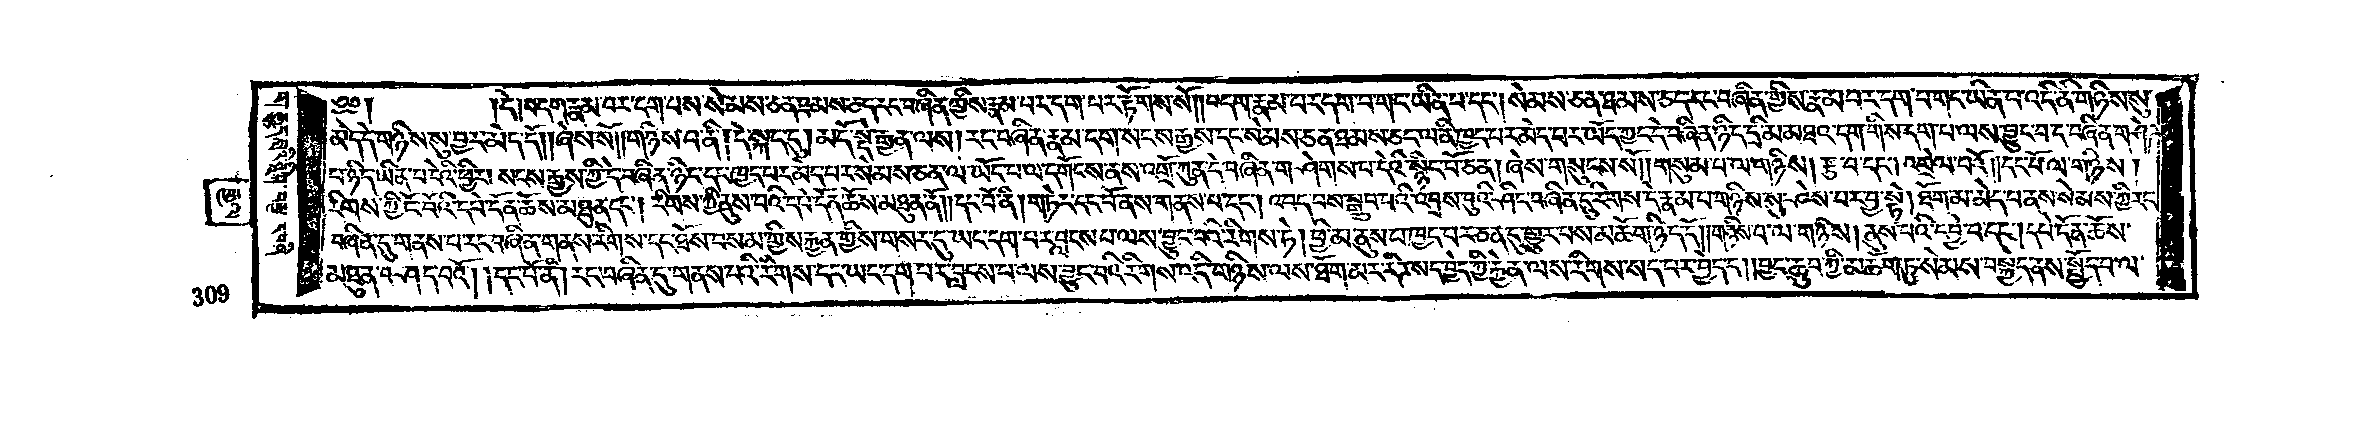༄༅། །དེ༑ བདག་རྣམ་པར་དག་པས་སེམས་ཅན་ཐམས་ཅད་རང་བཞིན་གྱིས་རྣམ་པར་དག་པར་རྟོགས་སོ། །བདག་རྣམ་པར་དག་པ་གང་ཡིན་པ་དང་། སེམས་ཅན་ཐམས་ཅད་རང་བཞིན་གྱིས་རྣམ་པར་དག་པ་གང་ཡིན་པ་འདི་ནི་གཉིས་སུ་
མེད་དེ་གཉིས་སུ་བྱར་མེད་དོ། །ཞེས་སོ། །གཉིས་པ་ནི། དེ་སྐད་དུ། མདོ་སྡེ་རྒྱན་ལས། རང་བཞིན་རྣམ་དག་སངས་རྒྱས་དང་སེམས་ཅན་ཐམས་ཅད་ལ་ནི་ཁྱད་པར་མེད་པར་ཡོད་ཀྱང་དེ་བཞིན་ཉིད་དྲི་མ་མཐའ་དག་གིས་དག་པ་ལས་བྱུང་བ་དེ་བཞིན་གཤེགས་
པ་ཉིད་ཡིན་པ་དེའི་ཕྱིར། སངས་རྒྱས་ཀྱི་དེ་བཞིན་ཉིད་དང་ཁྱད་པར་མེད་པར་སེམས་ཅན་ལ་ཡོད་པ་ལ་དགོངས་ནས་འགྲོ་ཀུན་དེ་བཞིན་གཤེགས་པ་དེའི་སྙིང་པོ་ཅན། ཞེས་གསུངས་སོ། །གསུམ་པ་ལ་གཉིས། རྩ་བ་དང་། འགྲེལ་པའོ། །དང་པོ་ལ་གཉིས།
རིགས་ཀྱི་ངོ་བོའི་དཔེ་དོན་ཆོས་མཐུན་དང་། རིགས་ཀྱི་ནུས་པའི་དཔེ་དོན་ཆོས་མཐུན་ནོ། །དང་པོ་ནི། གཏེར་དང་པོ་ནས་གནས་པ་དང་། འབད་པས་སྒྲུབ་པའི་འབྲས་བུའི་ཤིང་བཞིན་དུ་རིགས་དེ་རྣམ་པ་གཉིས་སུ་ཤེས་པར་བྱ་སྟེ། ཐོག་མ་མེད་པ་ནས་སེམས་ཀྱི་རང་
བཞིན་དུ་གནས་པ་རང་བཞིན་གནས་རིགས་དང་ཐོས་བསམ་གྱིས་རྐྱན་གྱིས་གསར་དུ་ཡང་དག་པར་བླངས་པ་ལས་བྱུང་བའི་རིགས་ཏེ། ཕྱི་མ་ནུས་པ་ཁྱད་པར་ཅན་དུ་གྱུར་པས་མཆོག་ཉིད་དོ། །གཉིས་པ་ལ་གཉིས། ནུས་པའི་དབྱེ་བ་དང་། དཔེ་དོན་ཆོས་
མཐུན་བཤད་པའོ། །དང་པོ་ནི། རང་བཞིན་དུ་གནས་པའི་རིགས་དང་ཡང་དག་པར་བླངས་པ་ལས་བྱུང་བའི་རིགས་འདི་གཉིས་ལས་ཐོག་མར་རིགས་སད་བྱེད་ཀྱི་རྐྱེན་ལས་རིགས་སད་པར་བྱེད་དོ། །བྱང་ཆུབ་ཀྱི་མཆོག་ཏུ་སེམས་བསྐྱེད་ནས་སྤྱོད་པ་ལ་